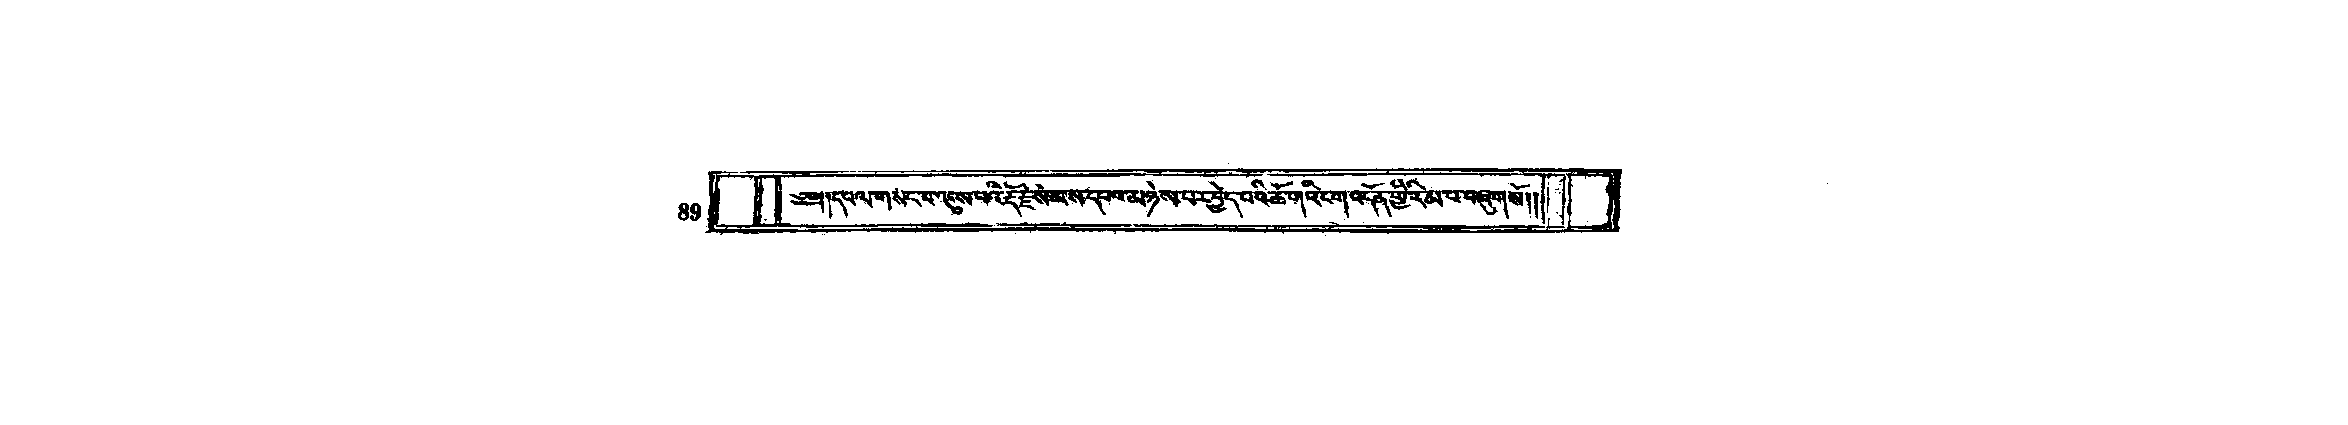༄༅། །དཔལ་གསང་བ་འདུས་པའི་རྡོ་རྗེ་སེམས་དཔའ་མཉེས་པར་བྱེད་པའི་ཆོ་གའི་ངག་འདོན་གྱི་རིམ་པ་བཞུགས་སོ། །